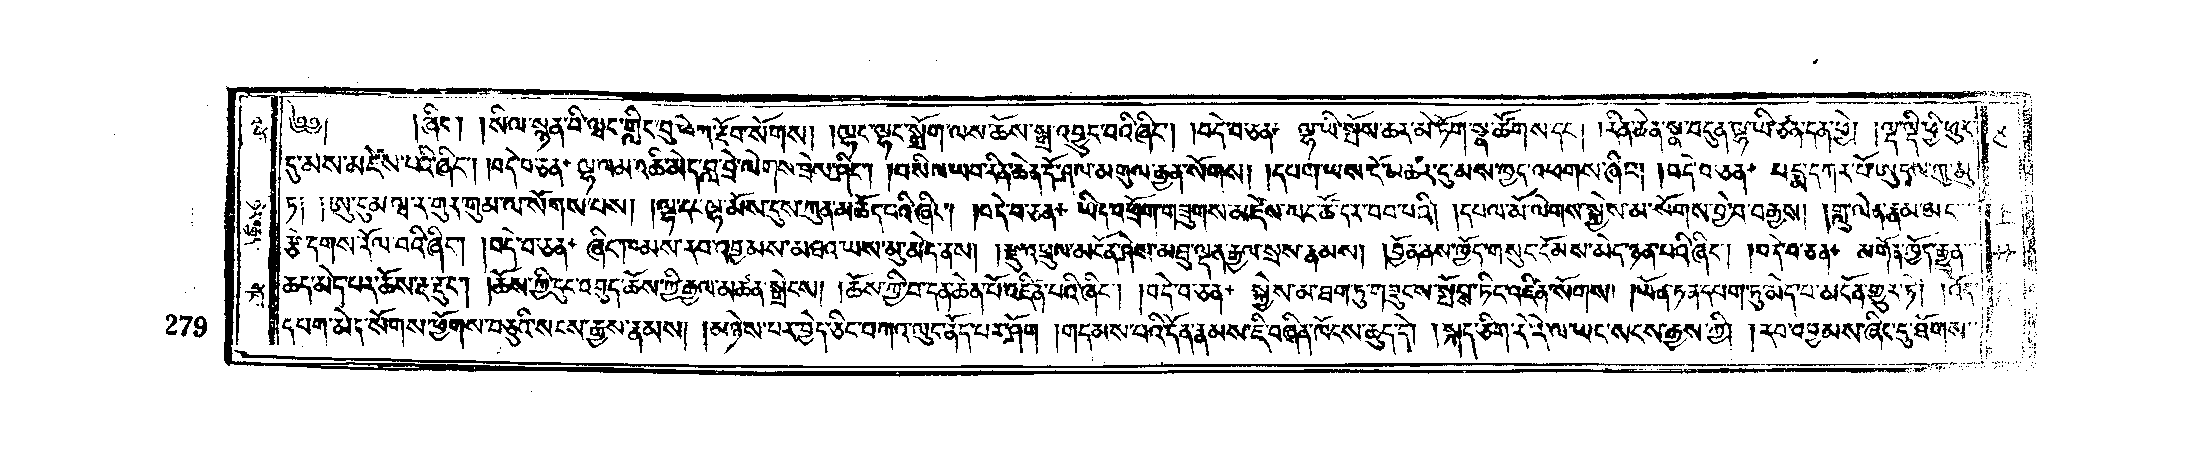༄༅། །ཞིང་། །སིལ་སྙན་པི་ཝང་གླིང་བུ་ཕེཀ་རྡོབ་སོགས། །ལྷང་ལྷང་སྒྲོག་ལས་ཆོས་སྒྲ་འབྱུང་བའི་ཞིང་། །བདེ་བ་ཅན་+་ལྷ་ཡི་སྤོས་ཆར་མེ་ཏོག་སྣ་ཚོགས་དང་། །རིན་ཆེན་སྣ་བདུན་ལྷ་ཡི་ཙན་དན་ཕྱེ། །ལྡ་ལྡི་ཕྱི་ཕུར་
དུ་མས་མཛེས་པའི་ཞིང་། །བདེ་བ་ཅན་+་ལྷ་ལམ་འཆི་མེད་བླ་བྲེ་ལེགས་བྲེས་ཤིང་། །བསིལ་ཡབ་རིན་ཆེན་དོ་ཤལ་མགུལ་རྒྱན་སོགས། །དཔག་ཡས་ངོ་མཚར་དུ་མས་ཁྱད་འཕགས་ཞིབ། །བདེ་བ་ཅན་+་པདམ་དཀར་པོ་ཨུད་ལ་ཀུ་མུ་
ཏ། །ཨུ་དུམ་ཝ་ར་གུར་གུམ་ལ་སོགས་པས། །ལྷ་དང་ལྷ་མོས་དུས་ཀུན་མཆོད་པའི་ཞིང་། །བདེ་བ་ཅན་+་ཡིད་འཕྲོག་གཟུགས་མཛེས་ལང་ཚོ་དར་བབ་པའི། །དཔལ་མོ་ལེགས་སྐྱེས་མ་སོགས་བྱེ་བ་བརྒྱས། །གླུ་ལེན་རྣམ་མང་
རྩེ་དགས་རོལ་བའི་ཞིང་། །བདེ་བ་ཅན་+་ཞིང་ཁམས་རབ་འབྱམས་མཐའ་ཡས་མུ་མེད་ནས། །རྫུ་འཕྲུལ་མངོན་ཤེས་མཐུ་ལྡན་རྒྱལ་སྲས་རྣམས། །བྱོན་ནས་ཁྱོད་གསུང་ངོམས་མེད་ཉན་པའི་ཞིང་། །བདེ་བ་ཅན་+་མགོན་ཁྱོད་རྒྱུན་
ཆད་མེད་པར་ཆོས་རྔ་རྡུང་། །ཆོས་ཀྱི་དུང་འབུད་ཆོས་ཀྱི་རྒྱལ་མཚན་སྒྲེངས། །ཆོས་ཀྱི་བ་དན་ཆེན་པོ་འཛིན་པའི་ཞིང་། །བདེ་བ་ཅན་+་སྐྱེས་མ་ཐག་ཏུ་གཟུངས་སྤོབས་ཏིང་འཛིན་སོགས། །ཡོན་ཏན་དཔག་ཏུ་མེད་པ་མངོན་གྱུར་ཏེ། །འོད་
དཔག་མེད་སོགས་ཕྱོགས་བཅུའི་སངས་རྒྱས་རྣམས། །མཉེས་པར་བྱེད་ཅིང་བཀའ་ལུང་ནོད་པར་ཤོག །གདམས་པའི་དོན་རྣམས་ཇི་བཞིན་ཁོངས་ཆུད་དེ། །སྐད་ཅིག་རེ་རེ་ལ་ཡང་སངས་རྒྱས་ཀྱི། །རབ་འབྱམས་ཞིང་དུ་ཐོགས་